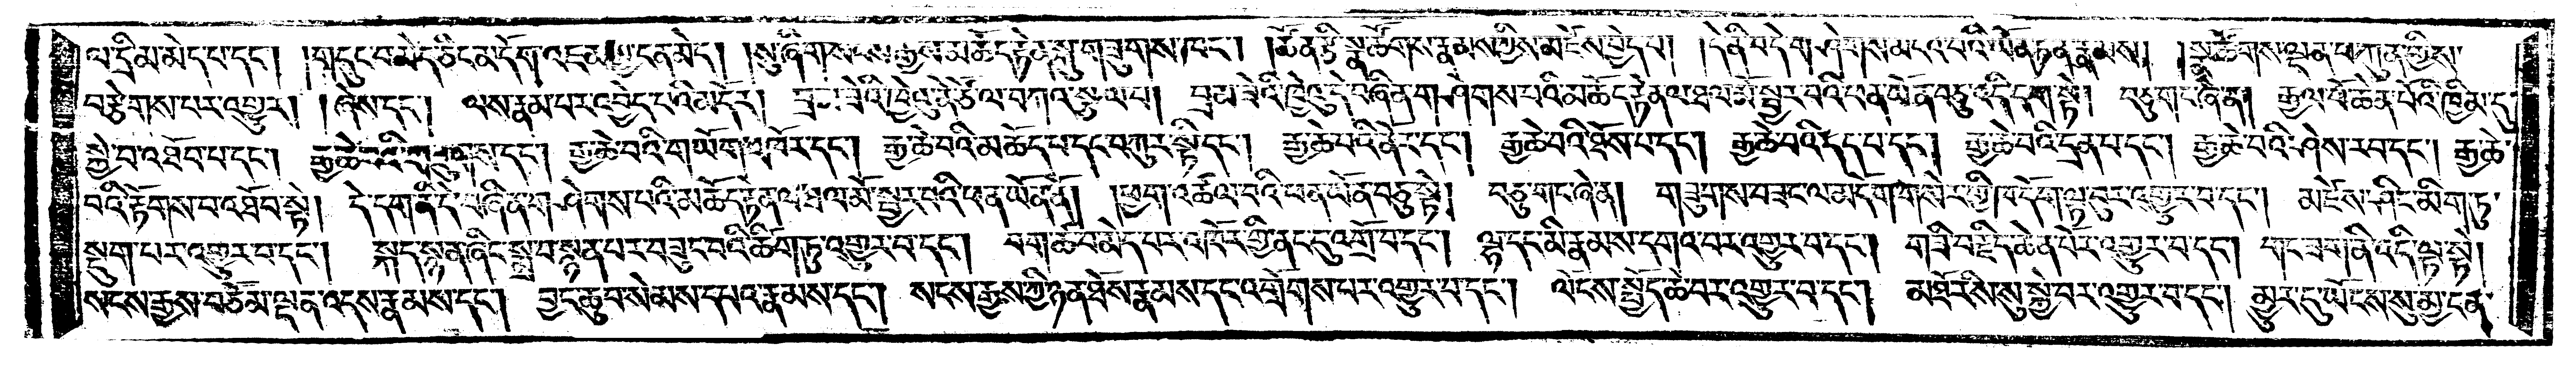ལ་དྲི་མ་མེད་པ་དང་། །གདུང་བ་མེད་ཅིང་མདོག་འཇམ་མྱ་ངན་མེད། །སུ་ཞིག་སངས་རྒྱས་མཆོད་རྟེན་སྐུ་གཟུགས་ཁང་། །ཚོན་རྩི་སྣ་ཚོགས་རྣམས་ཀྱིས་མཛེས་བྱེད་པ། །དེ་ནི་བདེ་གཤེགས་མངའ་བའི་ཡོན་ཏན་རྣམས། །སྣ་ཚོགས་ལྡན་པ་ཀུན་གྱིས་
བརྩེགས་པར་འགྱུར། །ཞེས་དང་། ལས་རྣམས་པར་འབྱེད་པའི་མདོར། བྲམ་ཟེའི་ཁྱེའུ་ནེ་ཙོལ་བཀའ་སྩལ་བ། བྲམ་ཟེའི་ཁྱེའུ་དེ་བཞིན་གཤེགས་པའི་མཆོད་རྟེན་ལ་ཐལ་མོ་སྦྱར་བའི་ཕན་ཡོན་བཅུ་འདི་དག་སྟེ། བཅུ་གང་ཞེ་ན། རྒྱལ་པོ་ཆེན་པོའི་ཁྱིམ་དུ་
སྐྱེ་བ་འཐོབ་པ་དང་། རྒྱ་ཆེ་བའི་གཟུགས་དང་། རྒྱ་ཆེ་བའི་གཡོག་འཁོར་དང་། རྒྱ་ཆེ་བའི་མཆོད་པ་དང་བཀུར་སྟི་དང་། རྒྱ་ཆེ་བའི་ནོར་དང་། རྒྱ་ཆེ་བའི་ཐོས་པ་དང་། རྒྱ་ཆེ་བའི་དད་པ་དང་། རྒྱ་ཆེ་བའི་དྲན་པ་དང་། རྒྱ་ཆེ་བའི་ཤེས་རབ་དང་། རྒྱ་ཆེ་
བའི་རྟོགས་པ་འཐོབ་སྟེ། དེ་དག་ནི་དེ་བཞིན་གཤེགས་པའི་མཆོད་རྟེན་ལ་ཐལ་མོ་སྦྱར་བའི་ཕན་ཡོན་ནོ། །ཕྱག་འཚལ་བའི་ཕན་ཡོན་བཅུ་སྟེ། བཅུ་གང་ཞེ་ན། གཟུགས་བཟང་ལ་མདོག་གསེར་གྱི་ཁ་དོག་ལྟ་བུར་འགྱུར་བ་དང་། མཛེས་ཤིང་མིག་ཏུ་
སྡུག་པར་འགྱུར་བ་དང་། སྐད་སྙན་ཞིང་སྨྲ་བ་སྙན་པར་བཟུང་བའི་ཚིག་ཏུ་འགྱུར་བ་དང་། བག་ཚབ་མེད་པར་འཁོར་གྱི་ནང་དུ་འགྲོ་བ་དང་། ལྷ་དང་མི་རྣམས་དགའ་བར་འགྱུར་བ་དང་། གཟི་བརྗིད་ཆེན་པོར་འགྱུར་བ་དང་། གང་ཟག་ནི་འདི་ལྟ་སྟེ།
སངས་རྒྱས་བཅོམ་ལྡན་འདས་རྣམས་དང་། བྱང་ཆུབ་སེམས་དཔའ་རྣམས་དང་། སངས་རྒྱས་ཀྱི་ཉན་ཐོས་རྣམས་དང་འགྲོགས་པར་འགྱུར་བ་དང་། ལོངས་སྤྱོད་ཆེ་བར་འགྱུར་བ་དང་། མཐོ་རིས་སུ་སྐྱེ་བར་འགྱུར་བ་དང་། མྱུར་དུ་ཡོངས་སུ་མྱ་ངན་